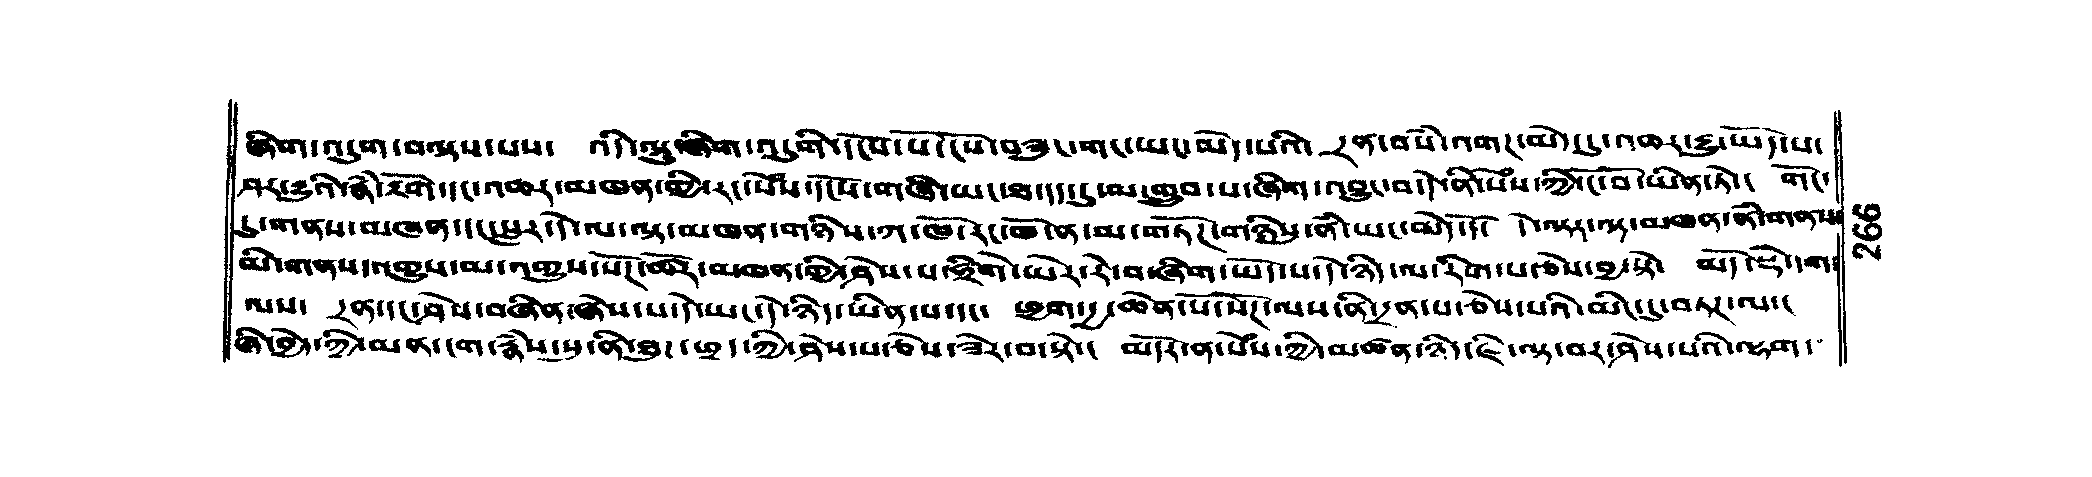ཞིག་འདུག་བལྟས་པས། འདི་ལྟ་བུ་ཞིག་འདུག་གི་དངོས་པོ་ངོས་བཟུང་གང་ཡང་མེད་པའི་དྲན་བསམ་འགགས་མེད་དུ་འཆར་རྒྱུ་ཡོད་པ་
ཤར་རྒྱུའི་རྣམ་རྟོག་དང་འཆར་མཁན་གྱི་རང་སེམས་དངོས་གཞི་ཡང་ཐ་དད་དུ་མ་གྲུབ་པ་ཞིག་འབྱུང་བ་དེ་ནི་སེམས་ཀྱི་ངོ་བོ་ཡིན་ཏེ།གོང་
དུ་གནས་མཁན་དང་སླར་དེ་ལ་ལྟ་མཁན་གཉིས་ཀ་ཁོ་རང་ཁོ་ན་མ་གཏོགས་གཉིས་སུ་ནམ་ཡང་མེད་དོ། དེ་ལྟར་ལྟ་མཁན་ནམ་གནས་མི་གནས་
འགྱུས་མ་འགྱུས་སོགས་ཚོར་མཁན་གྱི་ཤེས་པ་ཧྲིག་གེ་ཡེར་རེ་བ་ཞིག་ཡོད་པ་དེ་ཉིད་ལ་རིག་པ་ཞེས་བྱ་སྟེ། མདོ་སྡེ་དག་
ལས། དྲན་དང་ཤེས་བཞིན་ཞེས་པ་དེ་ཡང་དེ་ཉིད་ཡིན་པ་དང། ཕྱག་རྒྱ་ཆེན་པོ་སོགས་ལས་ནི་དྲན་པ་ཅཞས་པའི་མིང་དུ་བཏགས་ལ། 
ཞི་བྱེད་ཀྱི་མན་ངག་རྣམས་སུ་ནི་ཐུག་ཕྲད་ཀྱི་ཤེས་པ་ཞེས་ཟེར་བ་སྟེ། མདོར་ན་སེམས་ཀྱི་མཚན་ཉིད་ཇི་ལྟ་བར་ཤེས་པའི་ལྷག་